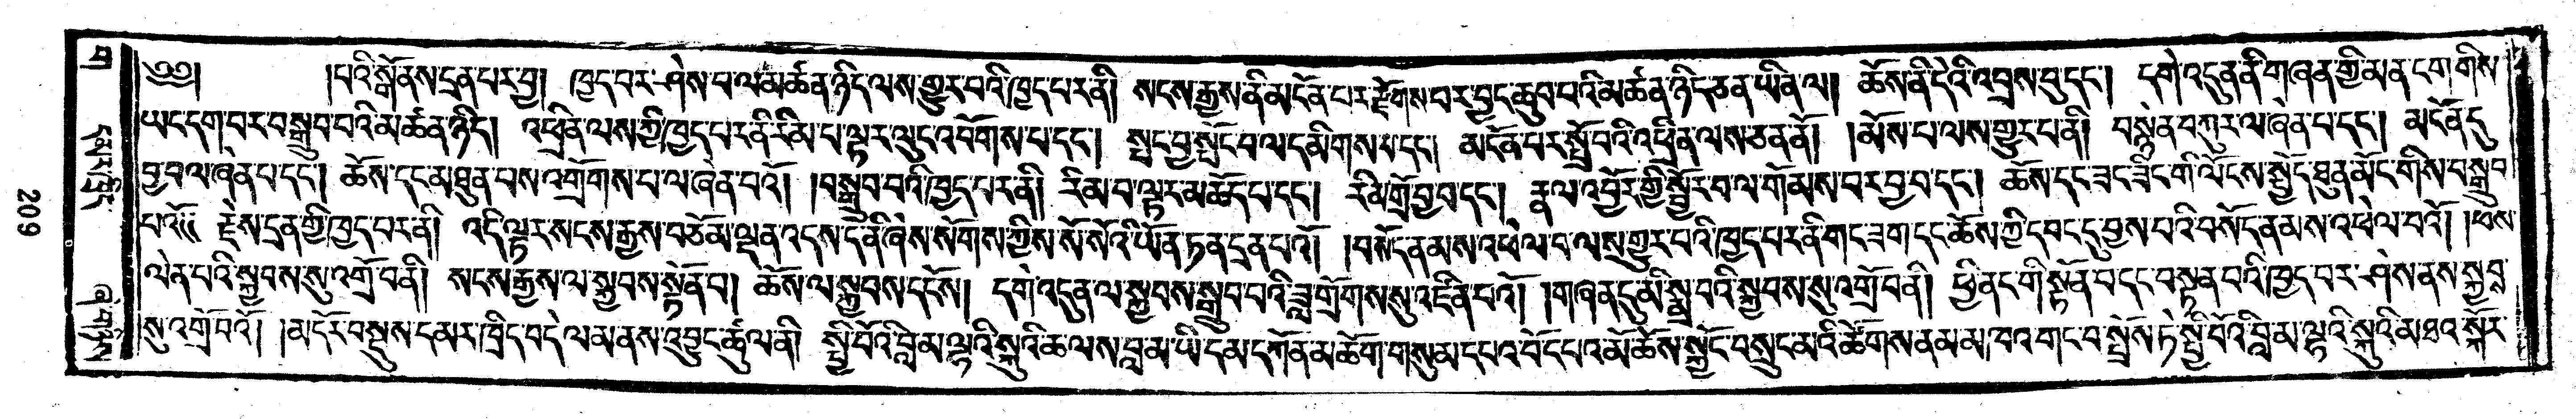༄༅། །པའི་སྒོ་ནས་དྲན་པར་བྱ། ཁྱད་པར་ཤེས་པ་ལ་མཚན་ཉིད་ལས་གྱུར་པའི་ཁྱད་པར་ནི། སངས་རྒྱས་ནི་མངོན་པར་རྫོགས་པར་བྱང་ཆུབ་པའི་མཚན་ཉིད་ཅན་ཡིན་ལ། ཆོས་ནི་དེའི་འབྲས་བུ་དང་། དགེ་འདུན་ནི་གཞན་གྱི་མན་ངག་གིས་
ཡང་དག་པར་བསྒྲུབ་པའི་མཚན་ཉིད། འཕྲིན་ལས་ཀྱི་ཁྱད་པར་ནི་རིམ་པ་ལྟར་ལུང་འབོགས་པ་དང་། སྤང་བྱ་སྤོང་བ་ལ་དམིགས་པ་དང་། མངོན་པར་སྤྲོ་བའི་འཕྲིན་ལས་ཅན་ནོ། །མོས་པ་ལས་གྱུར་པ་ནི། བསྙེན་བཀུར་ལ་ཞེན་པ་དང་། མངོན་དུ་
བྱ་བ་ལ་ཞེན་པ་དང་། ཆོས་དང་མཐུན་པས་འགྲོགས་པ་ལ་ཞེན་པའོ། །བསྒྲུབ་པའི་ཁྱད་པར་ནི། རིམ་པ་ལྟར་མཆོད་པ་དང་། རིམ་གྲོ་བྱ་བ་དང་། རྣལ་འབྱོར་གྱི་སྦྱོར་བ་ལ་གོམས་པར་བྱ་བ་དང་། ཆོས་དང་ཟང་ཟིང་གི་ལོངས་སྤྱོད་ཐུན་མོང་གིས་བསྒྲུབ་
པའོ༑༑ རྗེས་དྲན་གྱི་ཁྱད་པར་ནི། འདི་ལྟར་སངས་རྒྱས་བཅོམ་ལྡན་འདས་དེ་ནི་ཞེས་སོགས་ཀྱིས་སོ་སོའི་ཡོན་ཏན་དྲན་པའོ། །བསོད་ནམས་འཕེལ་བ་ལས་གྱུར་པའི་ཁྱད་པར་ནི་གང་ཟག་དང་ཆོས་ཀྱི་དབང་དུ་བྱས་པའི་བསོད་ནམས་འཕེལ་བའོ། །ཕས་
ལེན་པའི་སྐྱབས་སུ་འགྲོ་བ་ནི། སངས་རྒྱས་ལ་སྐྱབས་སྟོན་པ། ཆོས་ལ་སྐྱབས་དངོས། དགེ་འདུན་ལ་སྐྱབས་སྒྲུབ་པའི་ཟླ་གྲོགས་སུ་འཛིན་པའོ། །གཞན་དུ་མི་སྨྲ་བའི་སྐྱབས་སུ་འགྲོ་བ་ནི། ཕྱི་ནང་གི་སྟོན་པ་དང་བསྟན་པའི་ཁྱད་པར་ཤེས་ནས་སྐྱབས་
སུ་འགྲོ་བའོ། །མདོར་བསྡུས་དམར་ཁྲིད་བདེ་ལམ་ནས་འབྱུང་ཚུལ་ནི། སྤྱི་བོའི་བླ་མ་ལྷའི་སྐུའི་ཆ་ལས་བླ་མ་ཡི་དམ་དཀོན་མཆོག་གསུམ་དཔའ་བོ་དཔའ་མོ་ཆོས་སྐྱོང་བསྲུང་མའི་ཚོགས་ནམ་མཁའ་གང་བ་སྤྲོས་ཏེ་སྤྱི་བོའི་བླ་མ་ལྷའི་སྐུའི་མཐའ་སྐོར་